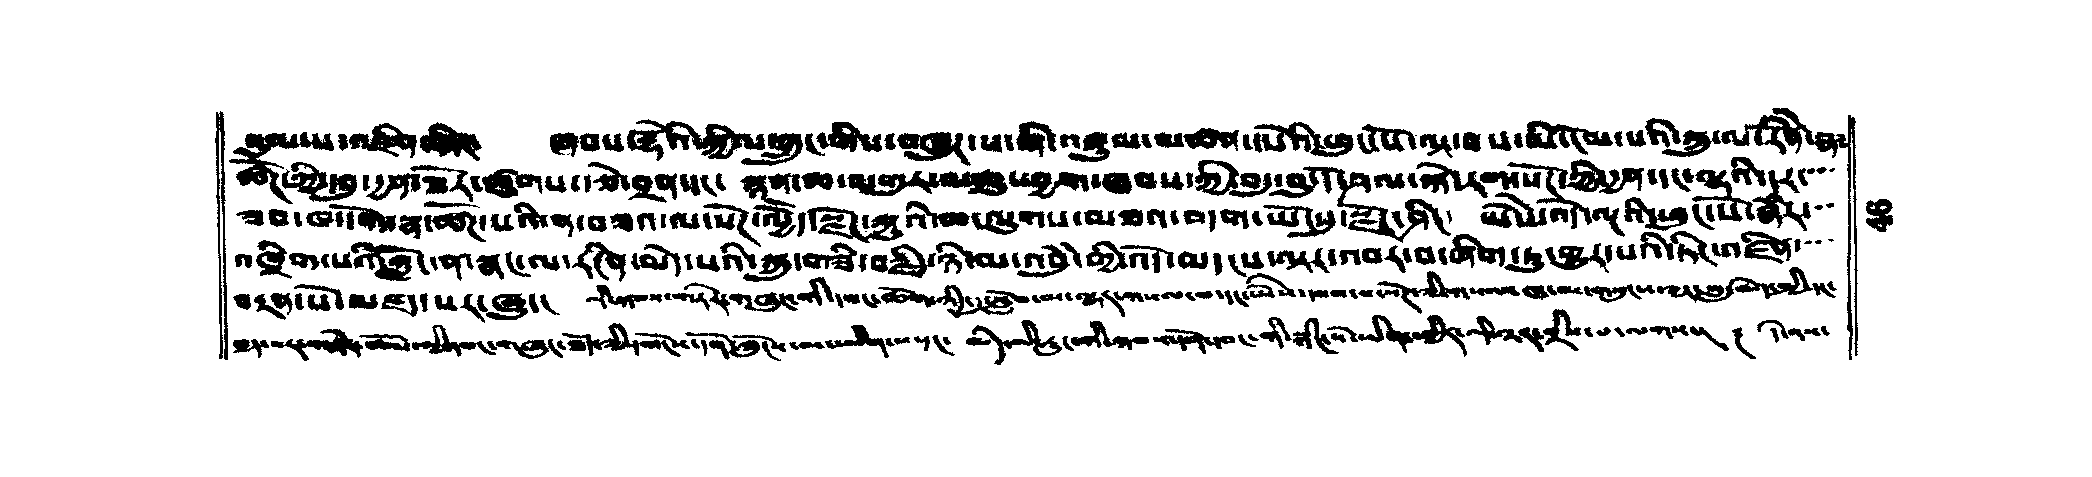བུམ་པ་འཛིན་ཞིང་། ཞབས་རྡོ་རྗེའི་ཀྱིལ་ཀྲུང་གིས་བཞུགས་པ་ནི་འཛུམ་མཚན་དཔེའི་ཕུང་པོ་ལྟ་བས་མི་ངོམ་པའི་སྐུ་ལ་རིན་པོ་ཆེ་སྣ་
ཚོགས་ཀྱི་དབུ་རྒྱན་ཐོར་ཚུགས་རྩེ་བྲན་དང་། སྙན་ཆ་མགུར་མཆུ་ཕྱག་ཞབས་ཀྱི་བདུ་བུ་དོ་ཤལ་སྐེ་རག་སོགས་ཀྱི་རྒྱན་དང་ལྷའི་དར་
ཟབ་ཁ་དོག་སྣ་ཚོགས་པའི་ན་བཟའ་ལ་སོགས་ལོངས་སྤྱོད་རྫོགས་སྐུའི་ཆ་ལུགས་མཐའ་བདག་ཡོངས་སུ་རྫོགས་ཤིང་། ཡེ་ཤེས་འོད་ལྔའི་ཕུང་པོ་རྣམ་པར་
འཁྲིག་པའི་ཀློང་ན་སྣང་ལ་རང་བཞིན་མེད་པའི་སྐུ་གཟི་བརྗིད་ཉི་མ་འབུམ་གྱི་འོད་མདངས་ལྟར་འབར་བ་ཞིག་ཏུ་གྱུར་པའི་ཏིང་འཛིན་
བརྟན་པོ་མཛད་པར་ཞུ། འདི་སྐབས་གཏེར་གཞུང་གི་དབང་ཆོག་ཉིད་དུ་སློབ་མ་ལྷར་གསལ་བ་དང་ཡེ་ཤེས་དབབ་པ་སོགས་ཀྱི་གསལ་ཁམ་གསུངས་ཀྱང་བླ་མེད་སྤྱི་དང་། 
ཁྱད་པར་གཏེར་ཆོས་ཀྱི་དབང་གཞུང་ཐམས་ཅད་ཀྱི་དགོངས་དོན་ཐུན་མོང་མ་ཡིན་པ་དང་། མེད་མི་རུང་གི་སྐབས་དོན་དབང་གི་སྙིང་པོ་ཡིན་ཕྱིར་འདི་ལྟར་བྲིས་པ་ལགས། ༈ དེ་ནས་